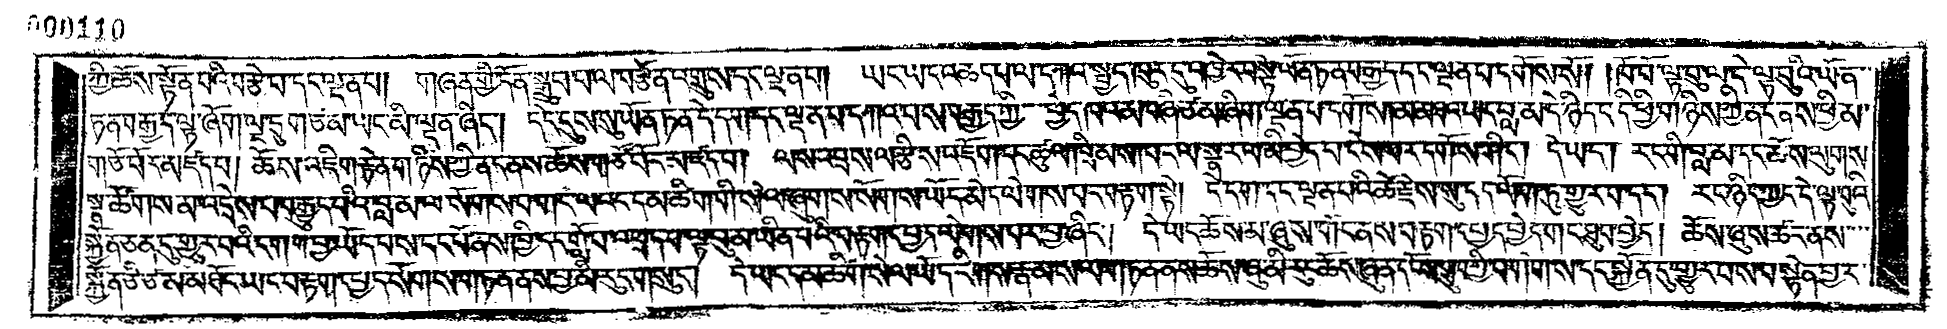ཀྱི་ཆོས་སྟོན་པའི་བརྩེ་བ་དང་ལྡན་པ། གཞན་གྱི་དོན་སྒྲུབ་པ་ལ་བརྩོན་འགྲུས་དང་ལྡན་པ། ཡང་ཡང་འཆད་པ་ལ་དཀའ་སྤྱད་ཁུར་དུ་བ་ཁྱེར་བསྟེ་ཡོན་ཏན་བརྒྱད་དང་ལྡན་པ་དགོས་སོ། །ཁོ་བོ་ལྟ་བུ་ལ་དེ་ལྟ་བུའི་ཡོན་
ཏན་བརྒྱད་ལྟ་ཞོག་ལྔ་དྲུག་ཙམ་ཡང་མི་ལྡན་ཞིང་། དེང་དུས་སུ་ཡོན་ཏན་དེ་དག་དང་ལྡན་པ་དཀའ་བས་བརྒྱད་ཀྱི་ཕྱེད་ཁའམ་བཞི་ཙམ་ཞིག་ལྡན་པ་དགོས། མ་མཐའ་ཡང་བླ་མ་དེ་ཉིད་འདི་ཕྱི་གཉིས་ཀྱི་ནང་ནས་ཕྱི་མ་
གཙོ་བོར་མཛད་པ། ཆོས་འཇིག་རྟེན་གཉིས་ཀྱི་ནང་ནས་ཆོས་གཙོ་བོར་མཛད་པ། ལས་འབྲས་ལ་རྩིས་འཇོག་དང་ཚུལ་ཁྲིམས་ཁ་ངལ་སྣ་རལ་མི་བྱེད་པ་ངེས་པར་དགོས་ཤིང་། དེ་ཡང་། རང་གི་བླ་མ་དང་ཆོས་ལུགས་
སྣ་ཚོགས་མ་འདྲེས་པ་བརྒྱུད་པའི་བླ་མ་ལ་སོགས་པ་གང་ལའང་དམ་ཚིག་གི་སེལ་ཞུགས་སོགས་ཡོད་མེད་ལེགས་པར་བརྟག་སྟེ། དེ་དག་དང་ལྡན་པའི་ཚེ་རྗེས་སུ་དད་ལོག་ཏུ་གྱུར་པ་དང་། རང་ཉིད་ཀྱང་དེ་ལྟ་བུའི་
སྐྱོན་ཅན་དུ་གྱུར་པའི་དགག་བྱ་ཡོད་པས་དང་པོ་ནས་ཁྱི་དང་གློ་བ་འཕྲད་པ་ལྟ་བུ་མ་ཡིན་པའི་བརྟག་དཔྱད་ལེགས་པར་བྱ་ཞིང་། དེ་ཡང་ཆོས་མ་ཞུས་གོང་ནས་བརྟག་དཔྱད་བྱེད་གང་ཐུབ་བྱེད། ཆོས་ཞུས་ཚང་ནས་
སྐྱོན་ཅི་ཙམ་མཐོང་ཡང་བརྟག་དཔྱད་སོགས་གཏན་ནས་བྱ་མི་རུང་གསུང་། དེ་ཡང་དམ་ཚིག་སེལ་ཡོད་རིགས་རྣམས་ལ་གཏན་ནས་ཆོས་ཞུ་མི་རུང་ཆོས་ཞུན་དངོས་གྲུབ་ཀྱི་བགེགས་དང་སྐྱོན་དུ་གྱུར་བས་བསྟེན་བྱར་